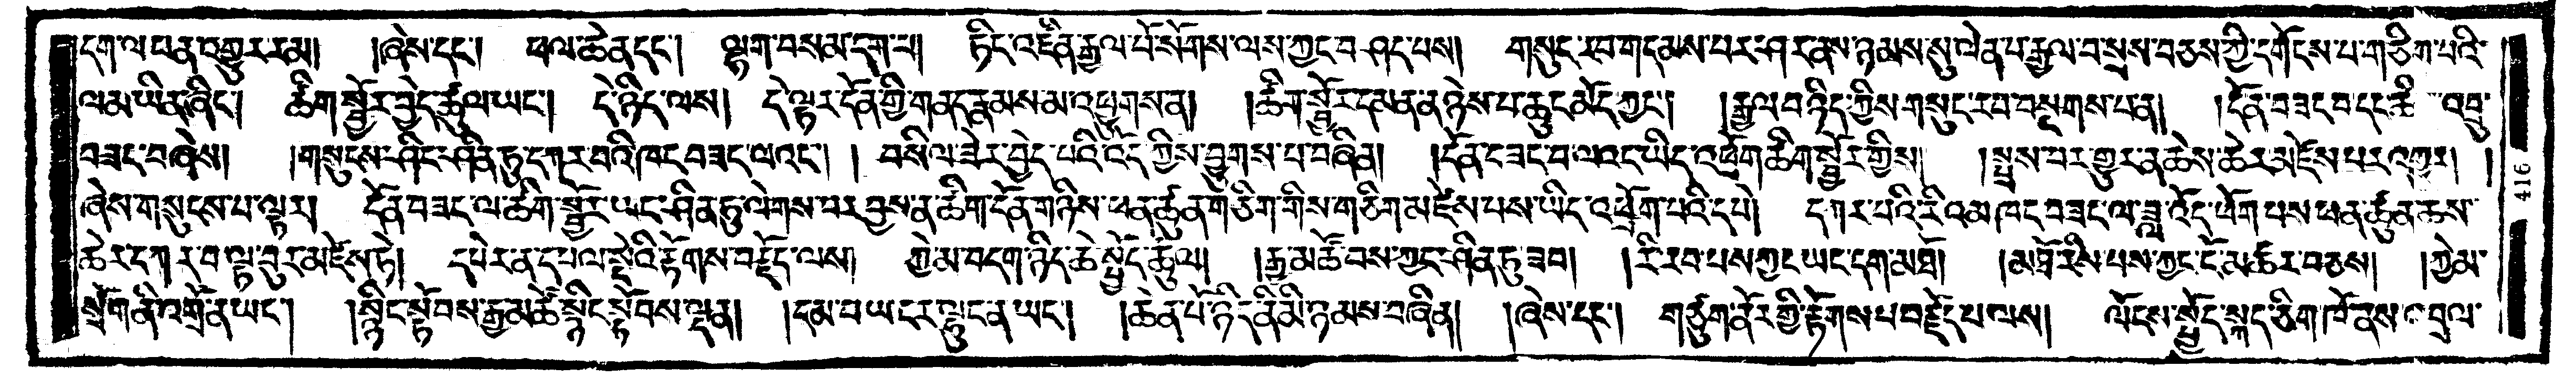དག་ལ་པན་འགྱུར་རམ། །ཞེས་དང་། ཕལ་ཆེན་དང་། ལྷག་བསམ་དག་པ། ཏིང་འཛིན་རྒྱལ་པོ་སོགས་ལས་ཀྱང་བཤད་པས། གསུང་རབ་གདམས་པར་ཤར་ནས་ཉམས་སུ་ལེན་པ་རྒྱལ་བ་སྲས་བཅས་ཀྱི་དགོངས་པ་གཅིག་པའི་
ལམ་ཡིན་ཞིང་། ཚིག་སྦྱོར་བྱེད་ཚུལ་ཡང་། དེ་ཉིད་ལས། དེ་ལྟར་དོན་གྱི་གནད་རྣམས་མ་འཕྱུགས་ན། །ཚིག་སྦྱོར་དམན་ན་ཉེས་པ་ཆུང་མོད་ཀྱང་། །རྒྱལ་བྙིད་ཀྱིས་གསུང་རབ་བསྔགས་པ་ན། །དོན་བཟང་བ་དང་ཚི?་འབྲུ་
བཟང་བཞེས། །གསུངས་ཤིང་ཤིན་ཏུ་དཀར་བའི་ཁང་བཟང་ལའང་། །བསིལ་ཟེར་བྱེད་པའི་འོད་ཀྱིས་བྱུགས་པ་བཞིན། །དོན་བཟང་བ་ལའང་ཡིད་འཕྲོག་ཚིག་སྦྱོར་གྱིས། །སྤྲས་པར་གྱུར་ན་ཆེས་ཆེར་མཛེས་པར་འགྱུར། །
ཞེས་གསུངས་པ་ལྟར། །དོན་བཟང་ལ་ཚིག་སྦྱོར་ཡང་ཤིན་ཏུ་ལེགས་པར་བྱས་ན་ཚིག་དོན་གཉིས་ཕན་ཚུན་གཅིག་གིས་གཅིག་མཛེས་པས་ཡིད་འཕྲོག་པའི་དཔེ། དཀར་བའི་རིའང་ཁང་བཟང་ལ་ཟླ་འོད་ཕོག་བས་ཕན་ཚུན་ཆས་
ཆེར་དཀར་བ་ལྟ་བུར་མཛེས་ཏེ། དཔེར་ན་དཔལ་སྡེའི་རྟོགས་བརྗོད་ལས། ཀྱེ་མ་བདག་ཉིད་ཆེ་སྤྱོད་ཚུལ། །རྒྱ་མཚོ་བས་ཀྱང་ཤིན་ཏུ་ཟབ། །རི་རབ་པས་ཀྱང་ཡང་དག་མཐོ། །མཐོ་རིས་པས་ཀྱང་ངོ་མཚར་བཅས། །ཀྱེ་མ་
སྲོག་ནི་འགྲོ་ན་ཡང་། །སྙིང་སྟོབས་རྒྱ་མཚེ་སྙིང་སྟོབས་ལྡན། །དམ་པ་ཡ་ངར་ལྷུང་ན་ཡང་། །ཆེན་པོ་ཉིད་ནི་མི་ཉམས་བཞིན། །ཞེས་དང་། གཙུག་ནོར་གྱི་རྟོགས་པ་བརྗོད་པ་ལས། ལོངས་སྤྱོད་སྐད་ཅིག་ཁོ་ནས་འབྲལ་